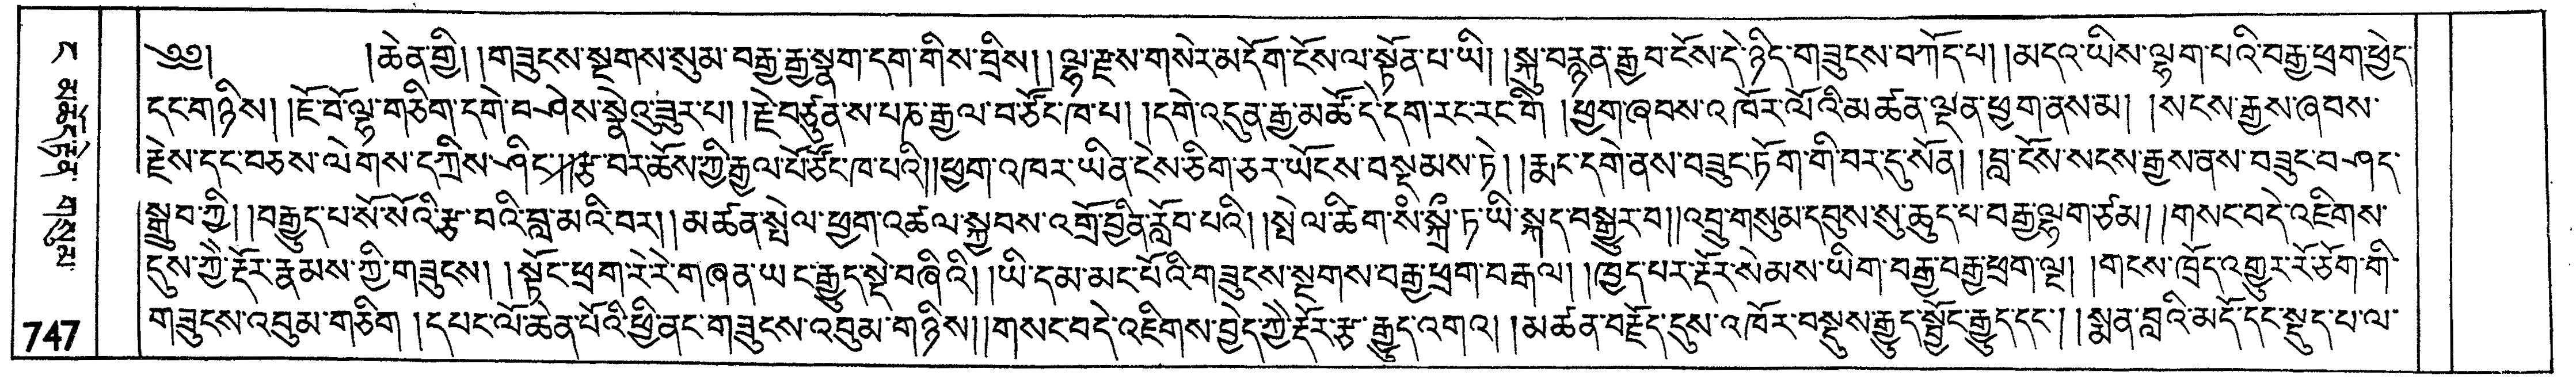༄༅། །ཆེན་གྱི། །གཟུངས་སྔགས་སུམ་བརྒྱ་རྒྱ་སྣག་དག་གིས་བྲིས། །ལྷ་རྫས་གསེར་མདོག་ངོས་ལ་སྟོན་པ་ཡི། །སྐུ་བརྙན་རྒྱབ་ངོས་དེ་ཉིད་གཟུངས་བཀོད་པ། །མདའ་ཡིས་ལྷག་པའི་བརྒྱ་ཕྲག་ཕྱེད་
དང་གཉིས། །ཇོ་བོ་ལྷ་གཅིག་དགེ་བཤེས་སྣེའུ་ཟུར་པ། །རྗེ་བཙུན་ས་པཎ་རྒྱལ་བ་ཙོང་ཁ་པ། །དགེ་འདུན་རྒྱ་མཚོ་དེ་དག་རང་རང་གི །ཕྱག་ཞབས་འཁོར་ལོའི་མཚན་ལྡན་ཕྱག་ནས་མ། །སངས་རྒྱས་ཞབས་
རྗེས་དང་བཅས་ལེགས་དཀྲིས་ཤིང་། །རྩ་བར་ཆོས་ཀྱི་རྒྱལ་པོ་ཙོང་ཁ་པའི། །ཕྱག་འཁར་ཡིན་ངེས་ཅིག་ཅར་ཡོངས་བསྡམས་ཏེ། །རྨང་དགེ་ནས་བཟུང་ཏོག་གི་བར་དུ་སོན། །བླ་ངོས་སངས་རྒྱས་ནས་བཟུང་བཤད་
སྒྲུབ་ཀྱི། །བརྒྱུད་པ་སོ་སོའི་རྩ་བའི་བླ་མའི་བར། །མཚན་སྤེལ་ཕྱག་འཚལ་སྐྱབས་འགྲོ་བྱིན་རློབ་པའི། །སྤེལ་ཚིག་སཾ་སྐྲྀ་ཏ་ཡི་སྐད་བསྒྱུར་བ། །འབྲུ་གསུམ་དབུས་སུ་ཆུད་པ་བརྒྱ་ལྷག་ཙམ། །གསང་བདེ་འཇིགས་
དུས་ཀྱཻ་རྡོར་རྣམས་ཀྱི་གཟུངས། །སྟོང་ཕྲག་རེ་རེ་གཞན་ཡང་རྒྱུད་སྡེ་བཞིའི། །ཡི་དམ་མང་པོའི་གཟུངས་སྔགས་བརྒྱ་ཕྲག་བརྒལ། །ཁྱད་པར་རྡོར་སེམས་ཡིག་བརྒྱ་བརྒྱ་ཕྲག་ལྔ། །གངས་ཁྲོད་འགྱུར་རོ་ཅོག་གི་
གཟུངས་འབུམ་གཅིག །དཔང་ལོ་ཆེན་པོའི་ཕྱི་ནང་གཟུངས་འབུམ་གཉིས། །གསང་བདེ་འཇིགས་བྱེད་ཀྱཻ་རྡོར་རྩ་རྒྱུད་འགའ། །མཚན་བརྗོད་དུས་འཁོར་བསྡུས་རྒྱུད་སྦྱོང་རྒྱུད་དང་། །སྨན་བླའི་མདོ་དང་སྡུད་པ་ལ་